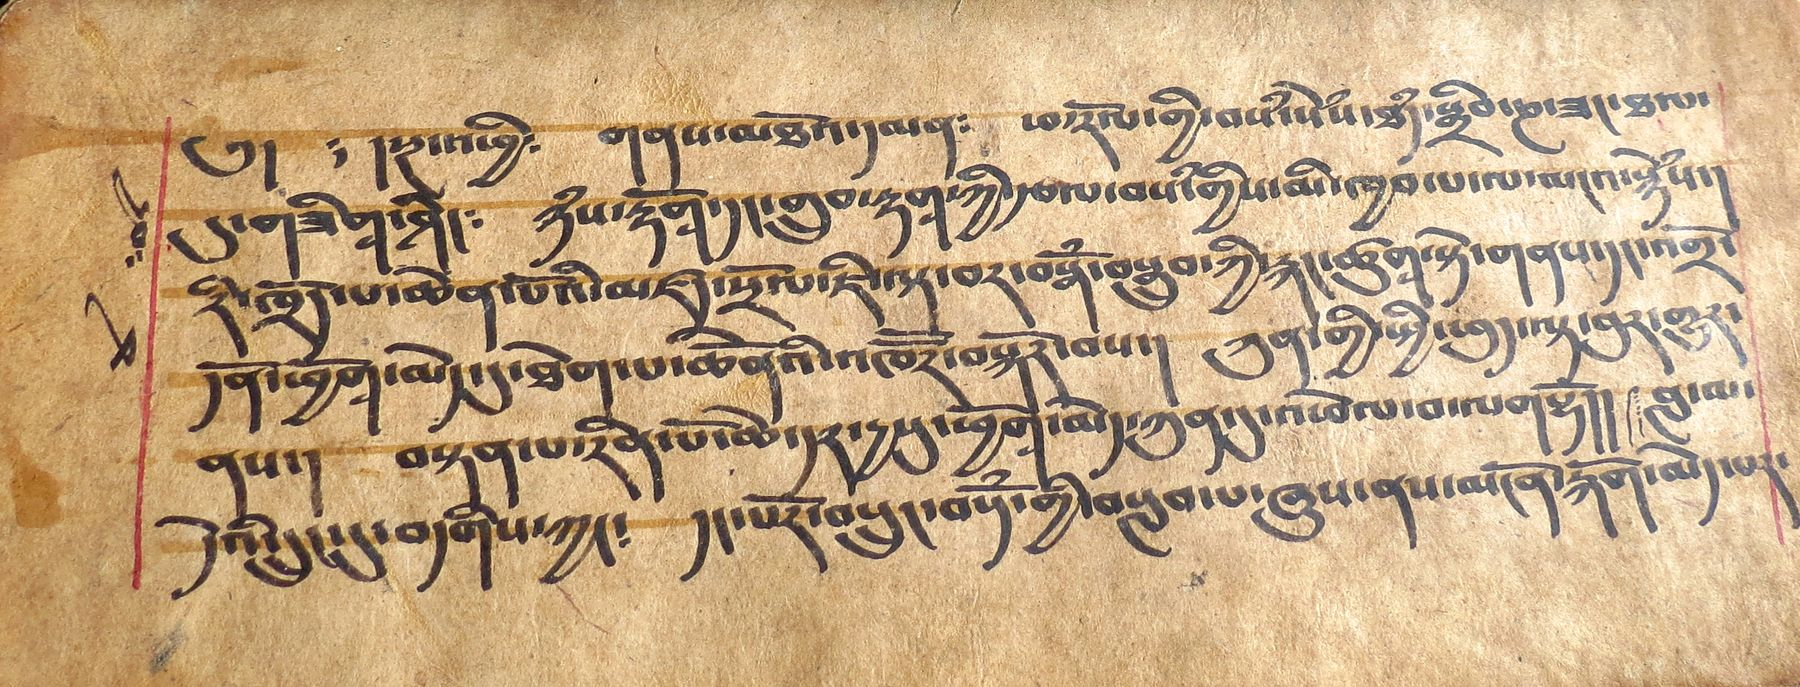སྔ་ཕྱི། གནས་མཐོ་དམན། ཕ་རོལ་གྱི་བསམ་སེམས་ཐམས་ཅད་སྒྲིབ་མེད་ཟང་ཐལ་
དུ་གཟིགས་ཤིང་། ཉམས་རྟོགས་དང་གྲུབ་རྟགས་ཀྱི་རྩལ་བསམ་གྱིས་མི་ཁྱབ་པ་ལ་མངའ་སྙེམས། 
རི་ཁྲོད་པ་ཆེན་པོའི་མཛད་སྲོལ་ཇི་ལྟ་བར་སྒོམ་སྒྲུབ་ཀྱི་རྐང་བཙུགས་སྟེ། གནས་དང་འགྲོ་
དོན་ཕྱོགས་མེད་དུ་ཐེག་པ་ཆེན་པོའི་འཁོར་ལོ་བསྐོར་བས། ཀུན་གྱི་སྤྱི་ཕུད་ལྟ་བུར་གྱུར་
ནས། བསྟན་པ་རིན་པོ་ཆེ་དར་རྒྱས་སུ་ཕྱོགས་མེད་ཀུན་ཏུ་འཕེལ་བ་ལགས་སོ། བླ་མ་
དེའི་དྲུང་དུ་བདག་གིས་ཀྱང་། དང་པོར་སྲུང་སྡོམ་གྱི་བསླབ་པ་ཞུས་ནས་ངོ་ལྐོག་མེད་པར་